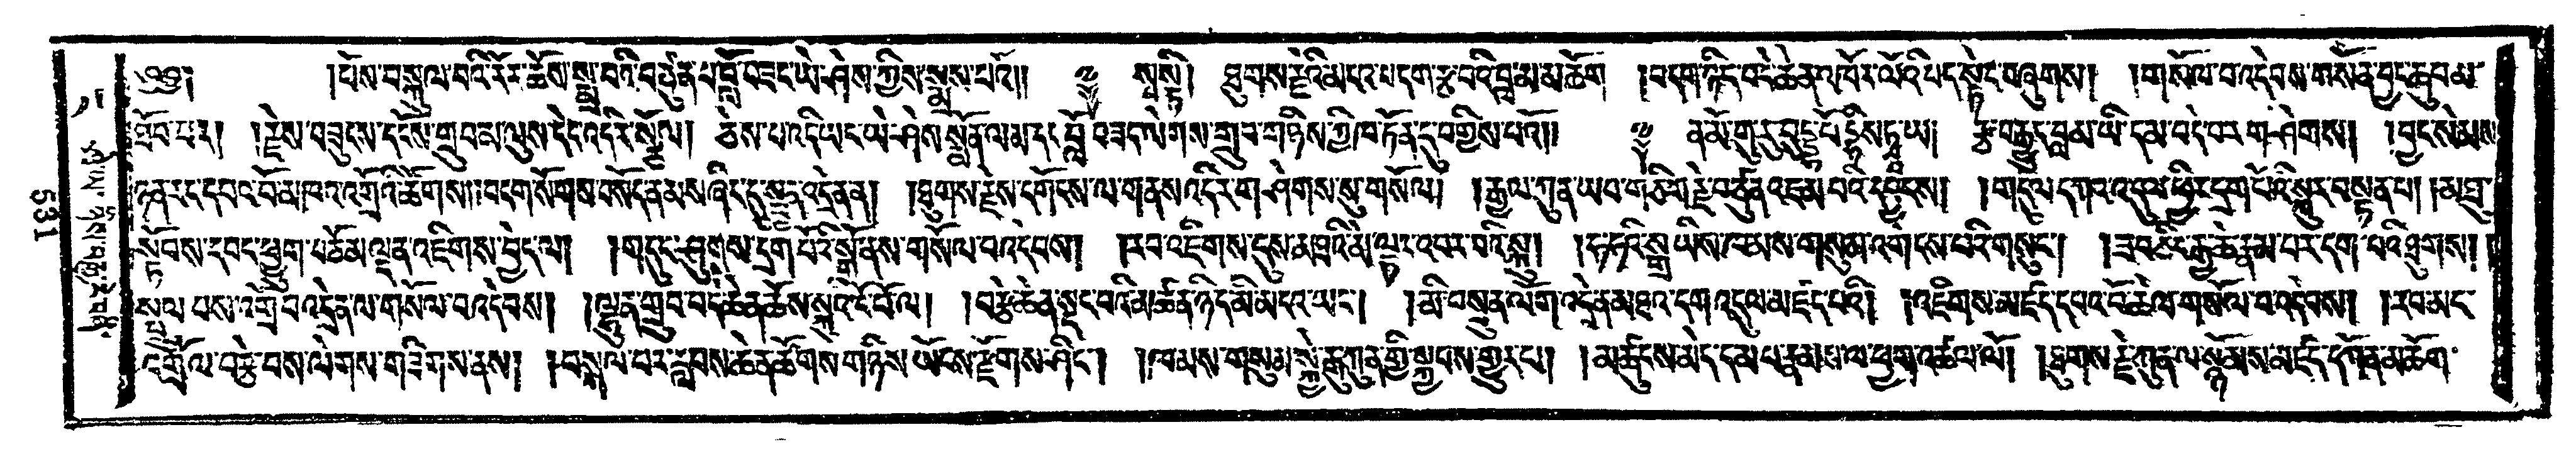༄༅། །པོས་བསྐུལ་བའི་རོར་ཆོས་སྨྲ་བའི་བཙུན་པ་བློ་བཟང་ཡེ་ཤེས་ཀྱིས་སྨྲས་པའོ།། ༈ སྭསྟི། ཐུགས་རྗེའི་མངའ་བདག་རྩ་བའི་བླ་མ་མཆོག །བདག་ཉིད་བདེ་ཆེན་འཁོར་ལོའི་པད་སྟེང་བཞུགས། །གསོལ་བ་འདེབས་གསོན་བྱང་ཆུབ་མ་
ཐོབ་པར། །རྗེས་བཟུངས་དངོས་གྲུབ་མ་ལུས་དེང་འདིར་སྩོལ། ཅེས་པ་འདི་ཡང་ཡེ་ཤེས་སྨོན་ལམ་དང་བློ་བཟང་ལེགས་གྲུབ་གཉིས་ཀྱི་ཁ་ཏོན་དུ་བགྱིས་པའོ།། ༈ ན་མོ་གུ་རུ་བུདྡྷ་བོ་དྷི་སཏྭཱ་ཡ། རྩ་བརྒྱུད་བླ་མ་ཡི་དམ་བདེ་བར་གཤེགས། །བྱང་སེམས་
ཉན་རང་དཔའ་བོ་མཁའ་འགྲོའི་ཚོགས། །བདག་སོགས་བསོད་ནམས་ཞིང་དུ་སྤྱན་འདྲེན་ན། །ཐུགས་རྗེས་དགོངས་ལ་གནས་འདིར་གཤེགས་སུ་གསོལ། །རྒྱལ་ཀུན་ཡབ་གཅིག་རྗེ་བཙུན་འཇམ་པའི་དབྱངས། །གདུལ་དཀའ་འདུལ་ཕྱིར་དྲག་པོའི་སྐུར་བསྟན་པ། །མཐུ་
སྟོབས་དབང་ཕྱུག་བཅོམ་ལྡན་འཇིགས་བྱེད་ལ། །གདུང་ཤུགས་དྲག་པོའི་སྒོ་ནས་གསོལ་བ་འདེབས། །རབ་འཇིགས་དུས་མཐའི་མེ་ལྟར་འབར་བའི་སྐུ། །ཧ་ཧའི་སྒྲ་ཡིས་ཁམས་གསུམ་འགེངས་པའི་གསུང་། །ཟབ་ཅིང་རྒྱ་ཆེ་རྣམ་པར་དག་པའི་ཐུགས། །
སྤྲུལ་པས་འགྲོ་བ་འདྲེན་ལ་གསོལ་བ་འདེབས། །ལྷུན་གྲུབ་བདེ་ཆེན་ཆོས་སྐུའི་ངོ་བོ་ལ། །བརྩེ་ཆེན་སྡང་བའི་མཚན་ཉིད་མི་མངའ་ཡང་། །མི་བསྲུན་ལོག་འདྲེན་མཐའ་དག་འདུལ་མཛད་པའི། །འཇིགས་མཛད་དཔའ་བོ་ཆེལ་གསོལ་བ་འདེབས། །རབ་མང་
འགྲོ་ལ་བརྩེ་བས་ལེགས་གཟིགས་ནས། །བསྐལ་པར་རླབས་ཆེན་ཚོགས་གཉིས་ཡོངས་རྫོགས་ཤིང་། །ཁམས་གསུམ་སྐྱེ་རྒུ་ཀུན་གྱི་སྐྱབས་གྱུར་པ། །མཚུངས་མེད་དམ་པ་རྣམས་ལ་ཕྱག་འཚལ་ལོ། །ཐུགས་རྗེ་ཀུན་ལ་སྙོམས་མཛད་དཀོན་མཆོག་